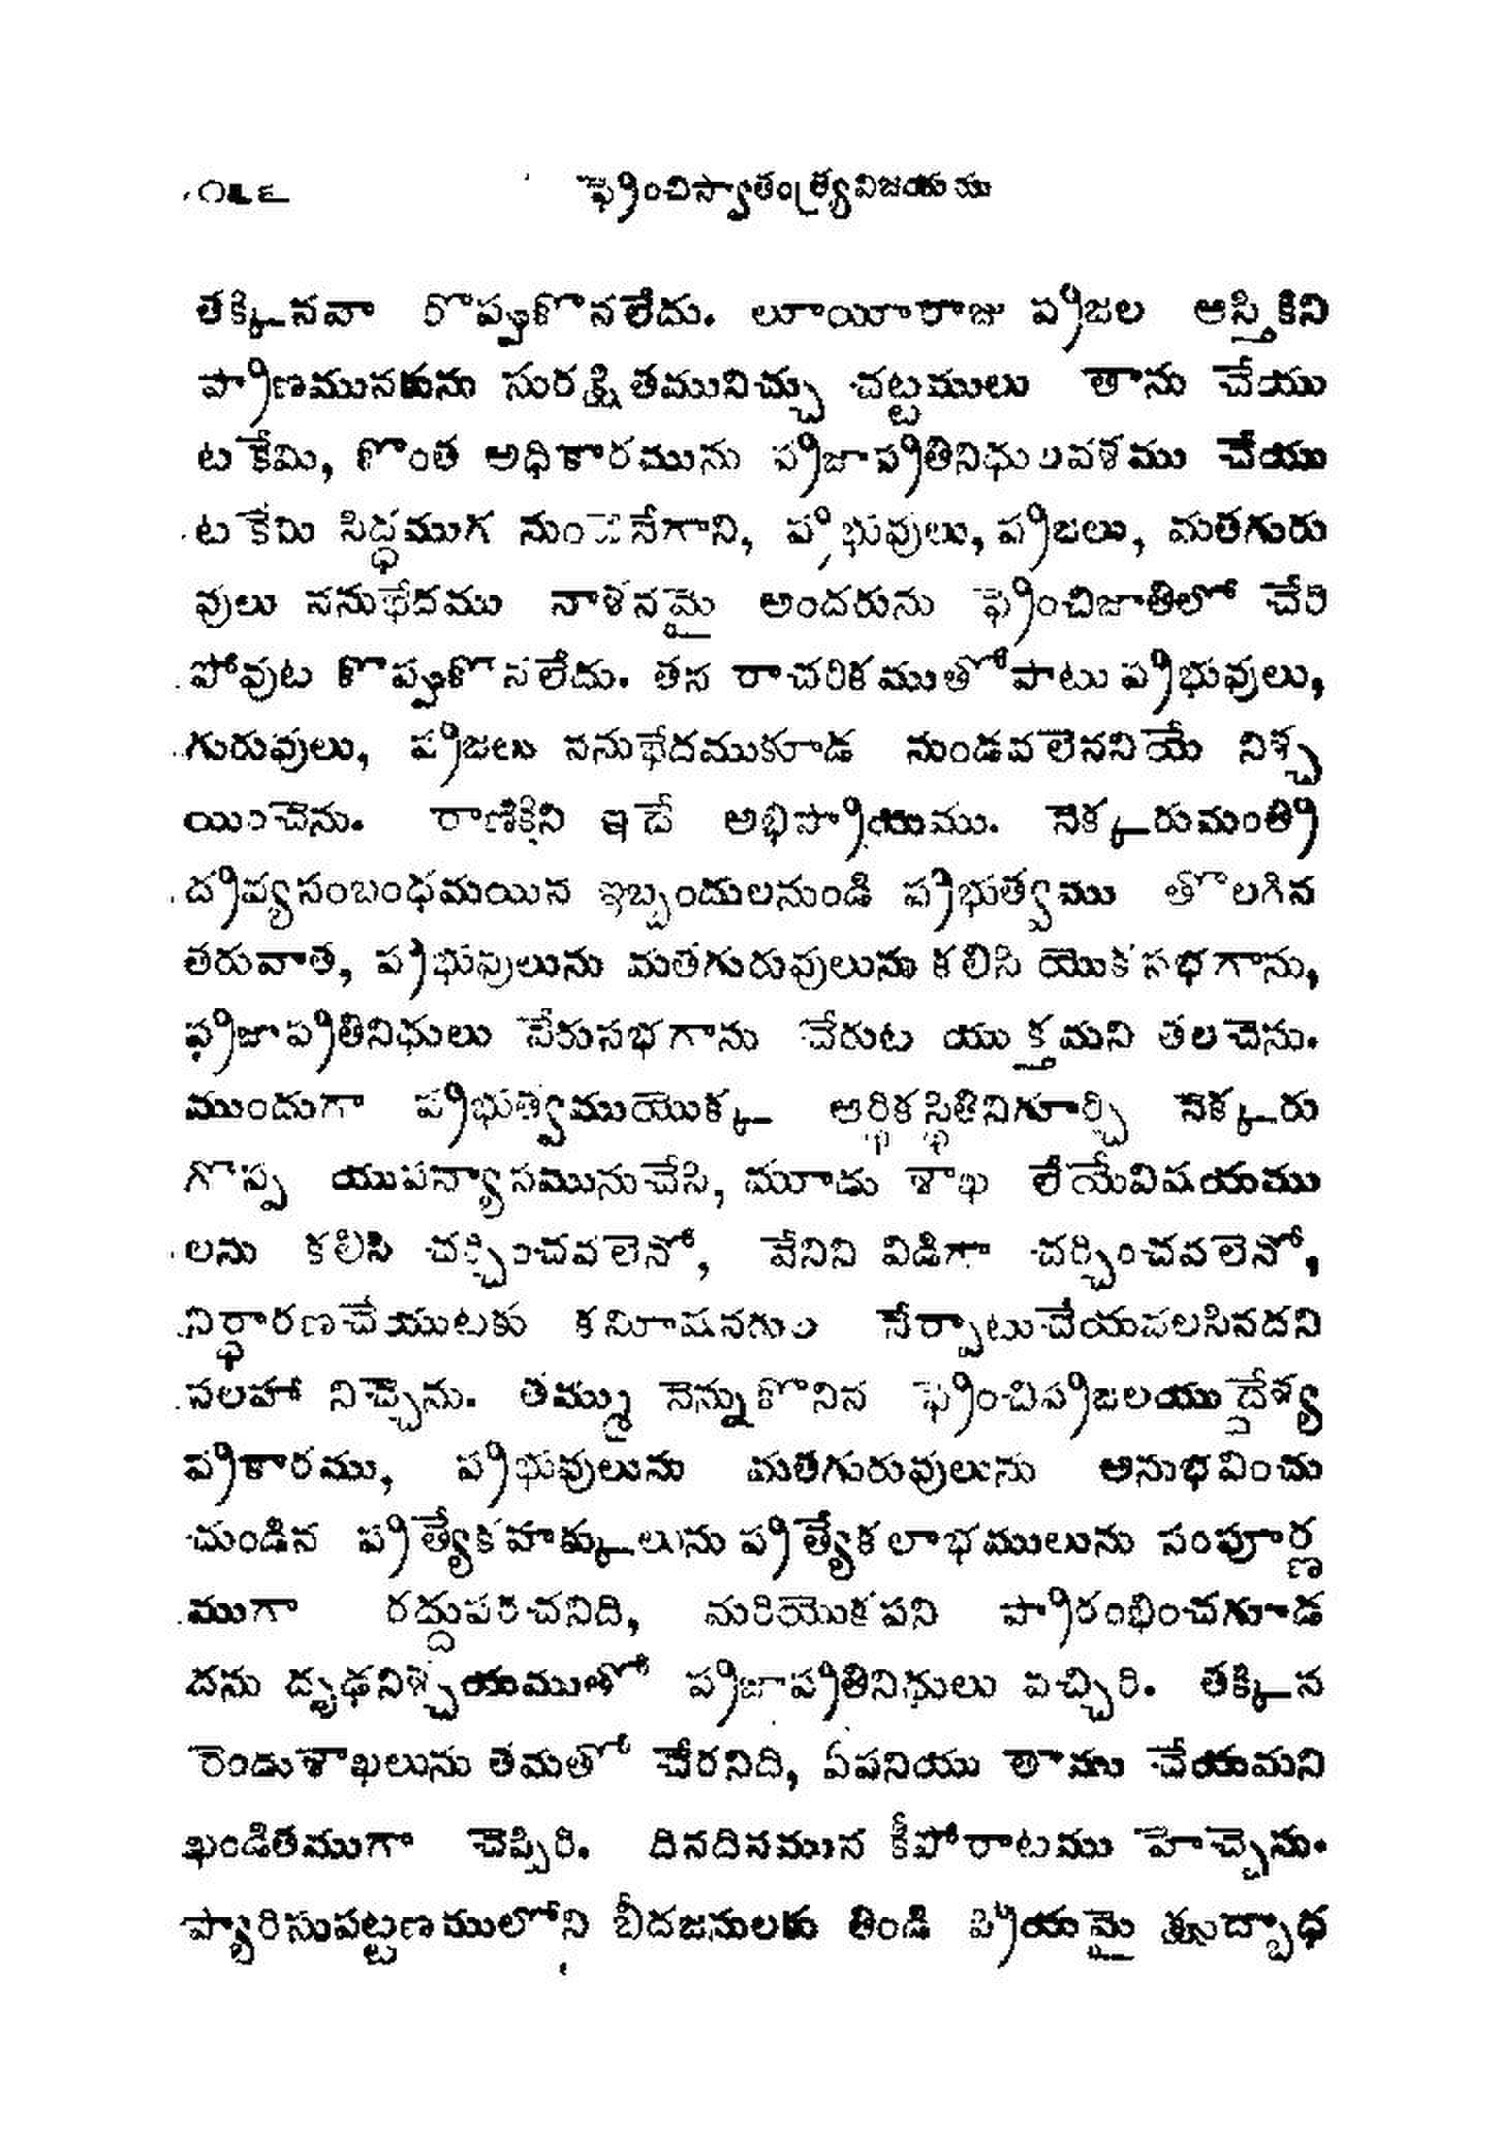తక్కినవారొప్పుకొనలేదు. లూయీ రాజు ప్రజల ఆస్తి కిని
ప్రాణమునకును సురక్షితమునిచ్చు "చట్టములు తాను చేయు
ట కేమి, కొంత అధికారమును ప్రజాప్రతినిధు లవశము చేయు
ట కేమి సిద్ధముగ నుండెనేగాని, ప్రభువులు, ప్రజలు, మతగురు
పులు నను భేదము నాశనమై అందరును ప్రింఫ్రెంచిజాతిలో చేరి
పోవుట కొప్పుకొన లేదు. తన రాచరికము ఓ పాటు ప్రభువులు,
గురువులు, ప్రజలు సను భేదముకూడ నుండవ లెనని యే నిశ్చ
యిచెను. రాణికిని ఇదే అభిప్రాయము. నెక్కరుమంత్రి
దవ్య సంబంధమయిన ఇబ్బందుల నుండి ప్రభుత్వము తొలగిన
తరువాత, ప్రభువులును మతగురువులును కలిసి యొక సభగాను,
ప్రజా ప్రతినిధులు వేరుసభ గాను చేరుట యుక్తమని తలచెను.
ముందుగా ప్రభుత్వము యొక్క ఆర్థిక స్థితిని గూర్చి ఒక్కరు
గొప్ప యుపన్యాసమును చేసి, మూడు శాఖ లేయవిషయము
లను కలిసి చర్చించవలెనో, వేనిని విడిగా చర్చించవలేనో,
నిర్ధారణ చేయుటకు కమిషనరుల నేర్పాటు చేయవలసినదని
సలహా నిచ్చెను. తమ్ము నెన్ను కొనిన ఫ్రెంచి ప్రజలయుద్దేశ్య
ప్రకారము, ప్రభువులును మతగురువులును అనుభవించు
చుండిన ప్రత్యేక హక్కులును ప్రత్యేక లాభములును సంపూర్ణ
ముగా రద్దుపరిచనిది, మరియొక పని ప్రారంభించగూడ
దను దృఢనిశ్చియముతో ప్రజా ప్రతినిధులు పచ్చిరి. తక్కిన
రెండు శాఖలును తమతో చేరనిది, ఏపనియు తాము చేయమని
ఖండితముగా చెప్పిరి. దినదినమున కీపోరాటము హెచ్చెసు.
ప్యారిసు పట్టణములోని బీదజనులకు తిండి ప్రియమై క్షుద్బాధ